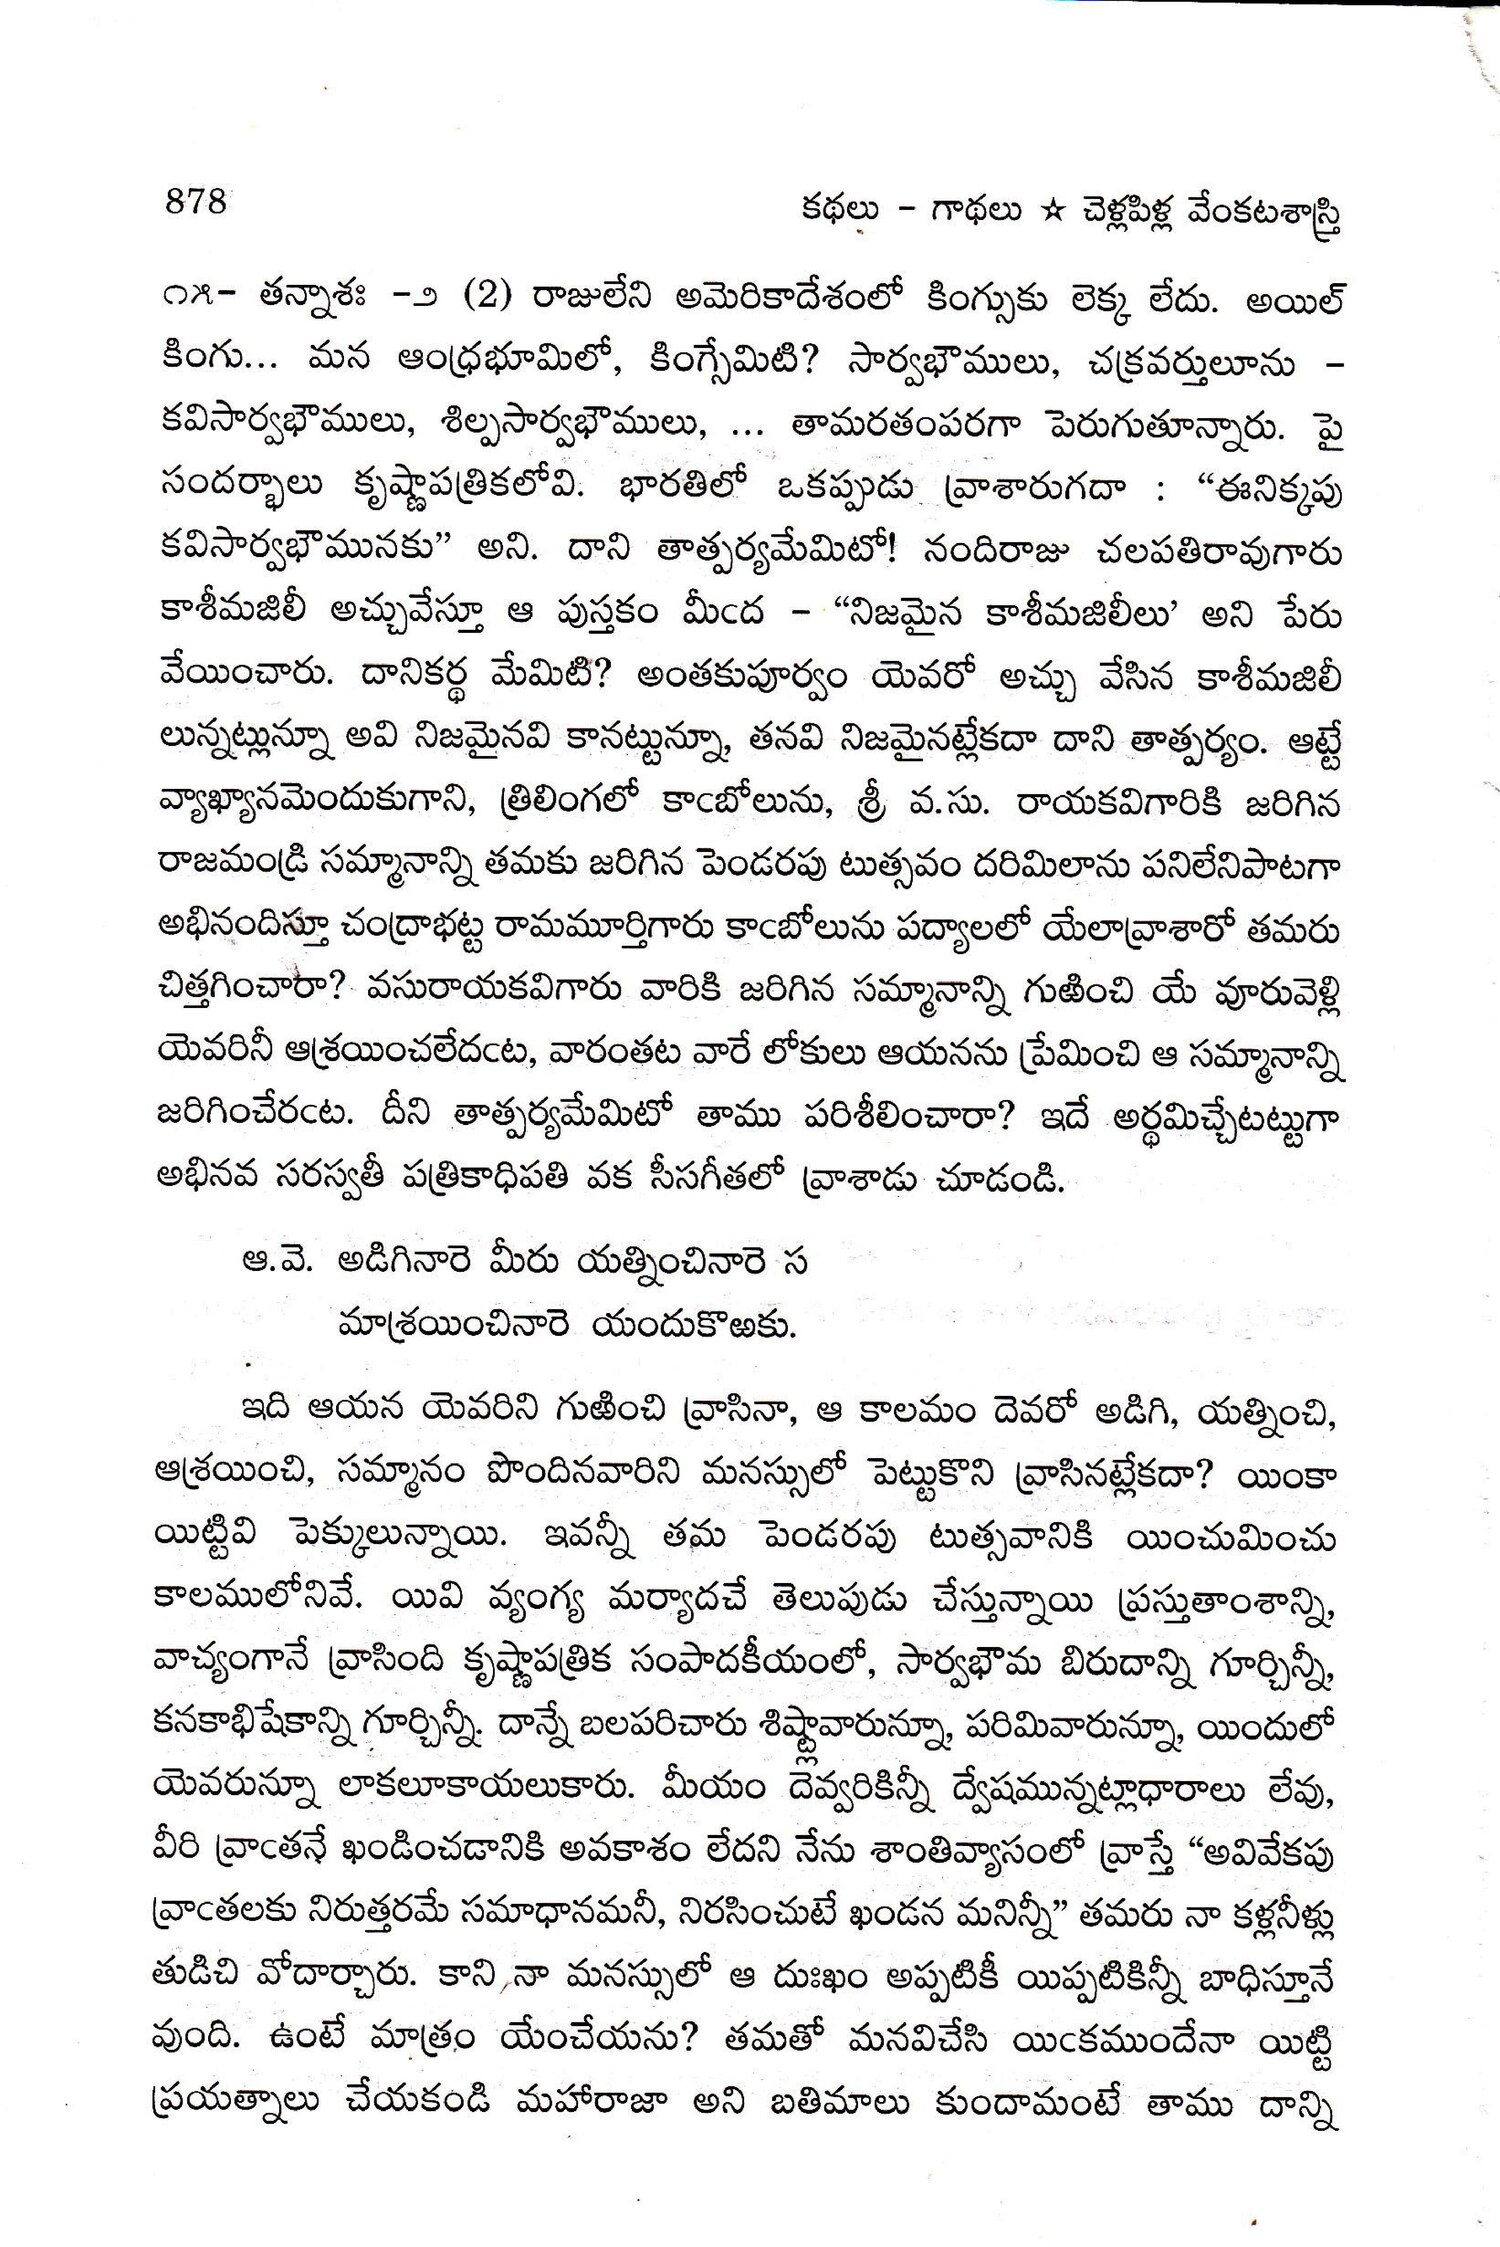15 - తాన్నాశః - 2 (2) రాజులేని అమెరికాదేశంలో కింగ్సుకు లెక్క లేదు. అయిల్ కింగు... మన ఆంధ్రభూమిలో, కింగ్సేమిటి? సార్వభౌములు, చక్రవర్తులూను - కవిసార్వభౌములు, శిల్పసార్వభౌములు, ... తామరతంపరగా పెరుగుతూన్నారు. పై సందర్భాలు కృష్ణాపత్రికలోవి. భారతిలో ఒకప్పుడు వ్రాశారుగదా : “ఈనిక్కపు కవిసార్వభౌమునకు" అని. దాని తాత్పర్యమేమిటో! నందిరాజు చలపతిరావుగారు కాశీమజిలీ అచ్చువేస్తూ ఆ పుస్తకం మీఁద - "నిజమైన కాశీమజిలీలు" అని పేరు వేయించారు. దానికర్థ మేమిటి? అంతకుపూర్వం యెవరో అచ్చు వేసిన కాశీమజిలీ లున్నట్లున్నూ అవి నిజమైనవి కానట్టున్నూ, తనవి నిజమైనట్లేకదా దాని తాత్పర్యం. ఆట్టే వ్యాఖ్యానమెందుకుగాని, (త్రిలింగలో కాcబోలును, శ్రీ వ.సు. రాయకవిగారికి జరిగిన రాజమండ్రి సమ్మానాన్ని తమకు జరిగిన పెండరపు టుత్సవం దరిమిలాను పనిలేనిపాటగా అభినందిస్తూ చంద్రాభట్ట రామమూర్తిగారు కాఁబోలును పద్యాలలో యేలావ్రాశారో తమరు చిత్తగించారా? వసురాయకవిగారు వారికి జరిగిన సమ్మానాన్ని గుఱించి యే వూరువెళ్లి యెవరినీ ఆశ్రయించలేదఁట, వారంతట వారే లోకులు ఆయనను ప్రేమించి ఆ సమ్మానాన్ని జరిగించేరఁట. దీని తాత్పర్యమేమిటో తాము పరిశీలించారా? ఇదే అర్థమిచ్చేటట్టుగా అభినవ సరస్వతీ పత్రికాధిపతి వక సీసగీతలో వ్రాశాడు చూడండి.

ఆ.వె. అడిగినారె మీరు యత్నించినారె స
 మాశ్రయించినారె యందుకొఱకు.
ఇది ఆయన యెవరిని గుఱించి వ్రాసినా, ఆ కాలమం దెవరో అడిగి, యత్నించి, ఆశ్రయించి, సమ్మానం పొందినవారిని మనస్సులో పెట్టుకొని వ్రాసినట్లేకదా? యింకా యిట్టివి పెక్కులున్నాయి. ఇవన్నీ తమ పెండరపు టుత్సవానికి యించుమించు కాలములోనివే. యివి వ్యంగ్య మర్యాదచే తెలుపుడు చేస్తున్నాయి ప్రస్తుతాంశాన్ని వాచ్యంగానే వ్రాసింది కృష్ణాపత్రిక సంపాదకీయంలో, సార్వభౌమ బిరుదాన్ని గూర్చిన్నీ కనకాభిషేకాన్ని గూర్చిన్నీ దాన్నే బలపరిచారు శిష్టావారున్నూ పరిమివారున్నూ, యిందులో యెవరున్నూ లాకలూకాయలుకారు. మీయం దేవ్వరికిన్నీ ద్వేషమున్నట్లాధారాలు లేవు, వీరి వ్రాఁతనే ఖండించడానికి అవకాశం లేదని నేను శాంతివ్యాసంలో వ్రాస్తే “అవివేకపు వ్రాఁతలకు నిరుత్తరమే సమాధానమనీ, నిరసించుటే ఖండన మనిన్నీ తమరు నా కళ్లనీళ్లు తుడిచి వోదార్చారు. కాని,నా మనస్సులో ఆ దుఃఖం అప్పటికీ యిప్పటికిన్నీ బాధిస్తూనే వుంది. ఉంటే మాత్రం యేంచేయను? తమతో మనవిచేసి యిఁకముందేనా యిట్టి ప్రయత్నాలు చేయకండి మహారాజా అని బతిమాలు కుందామంటే తాము దాన్ని